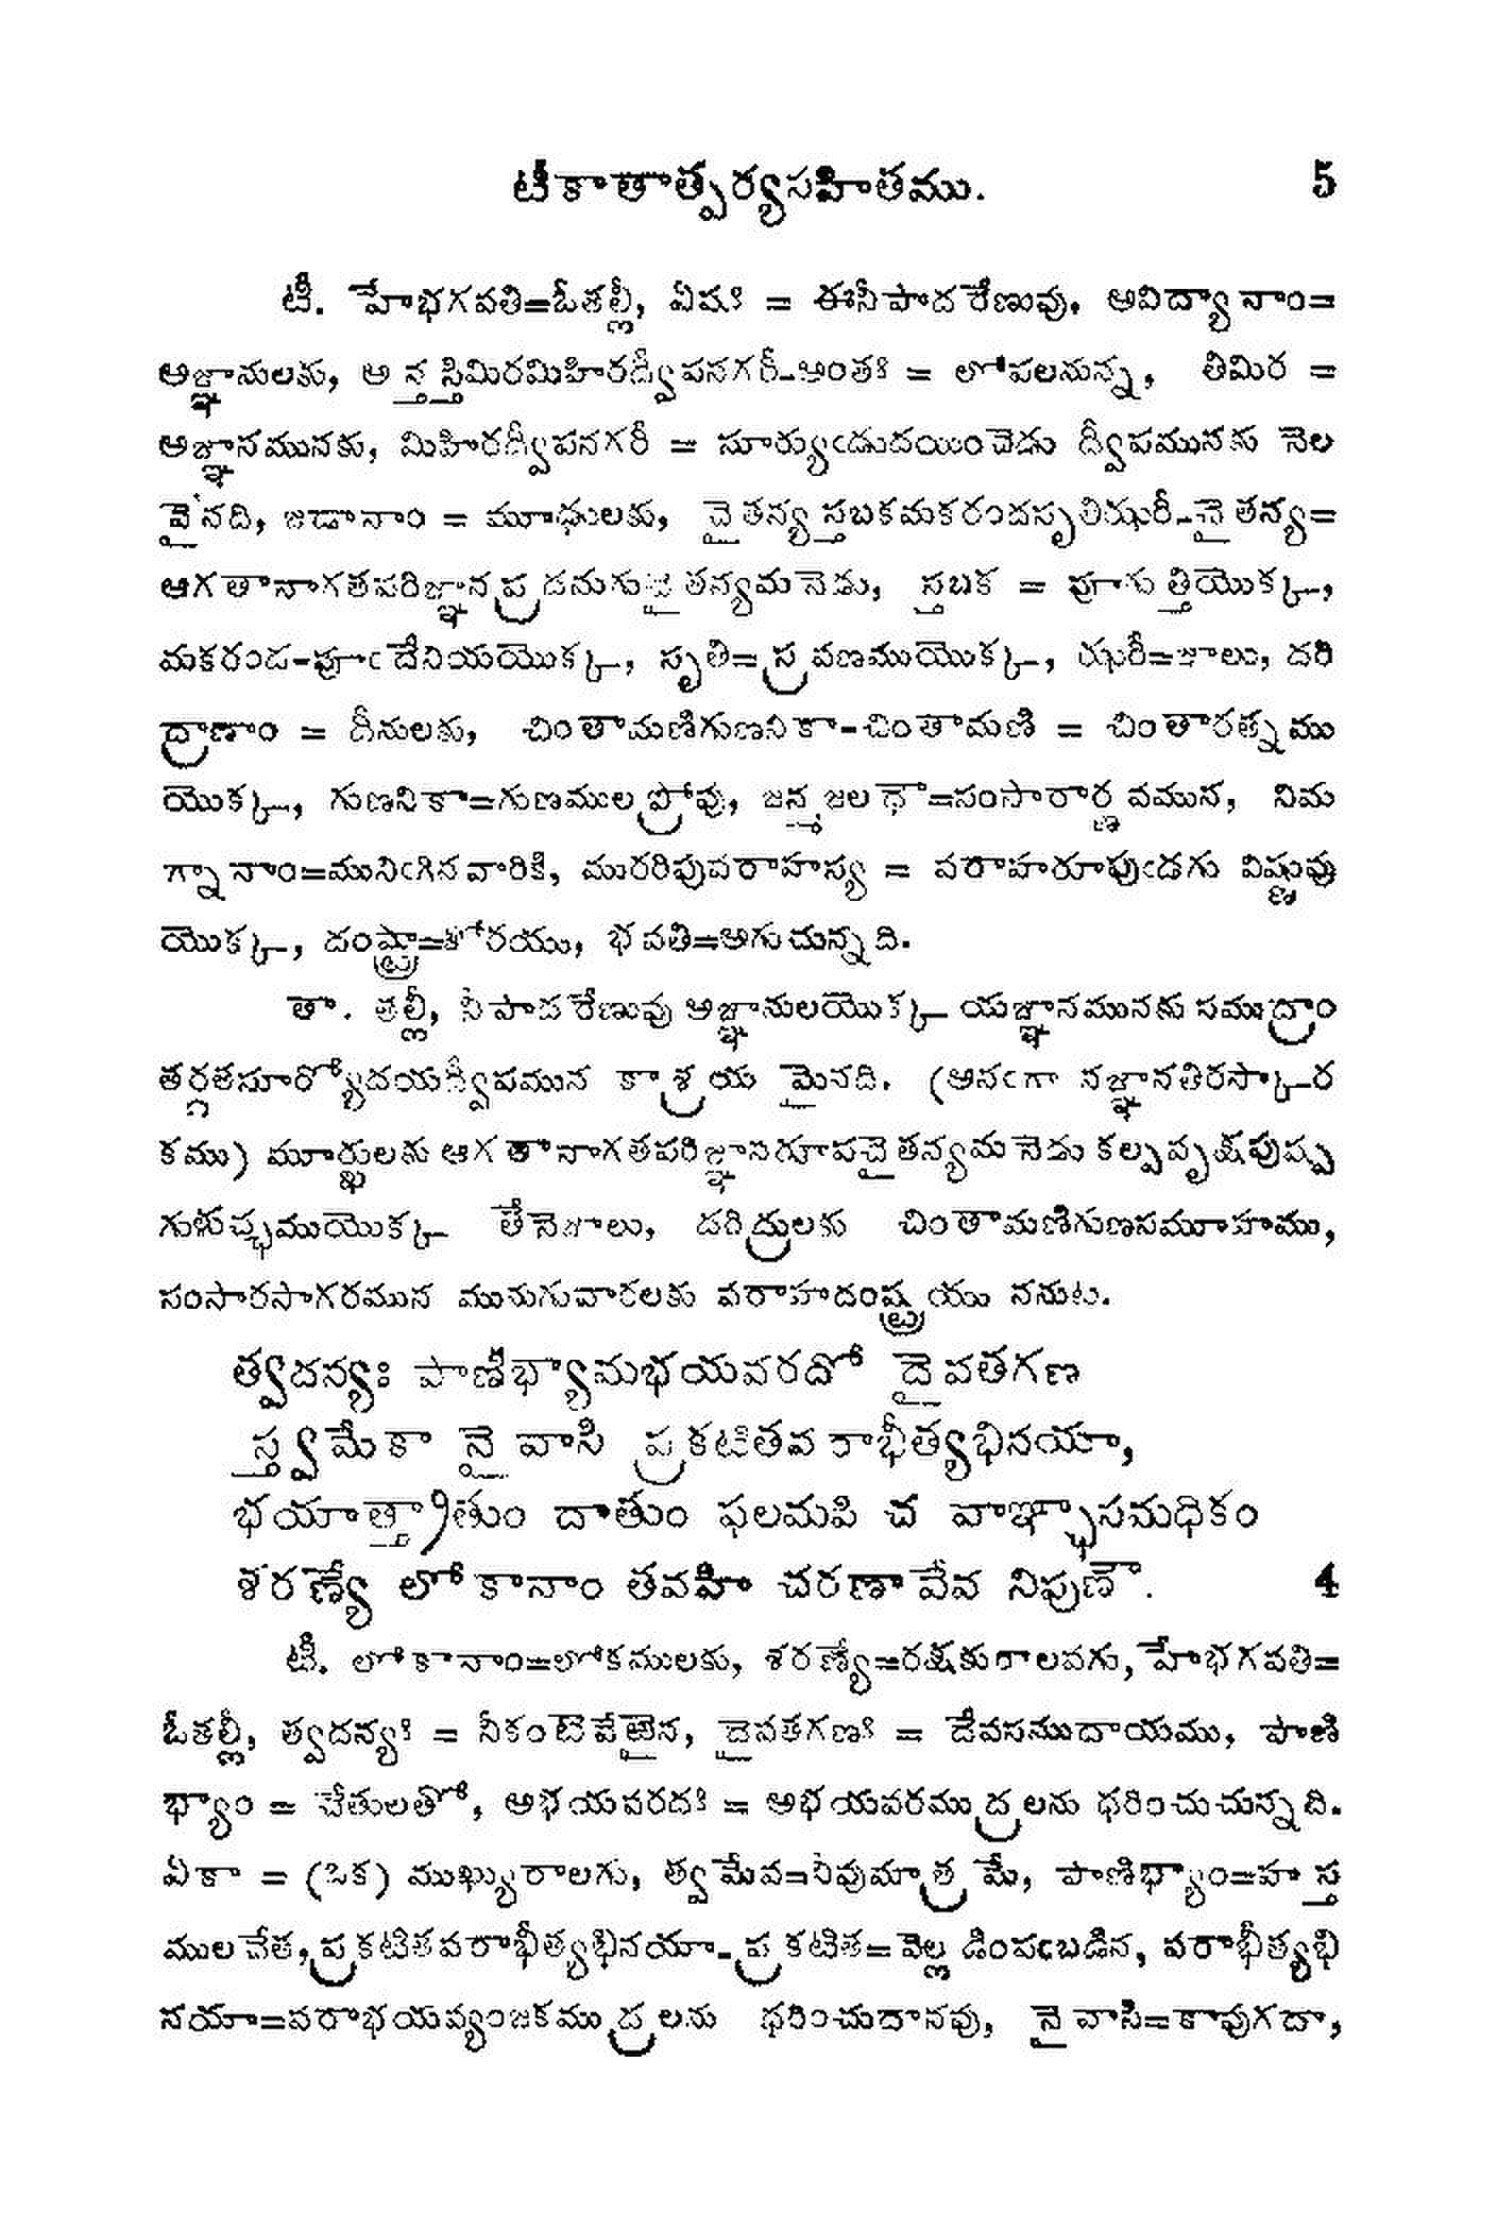టీ. హేభగవతి = ఓతల్లీ, ఏషః = ఈనీపాదరేణువు, అవిద్యానాం = అజ్ఞానులకు, అంతస్తిమిరమిద్వీపనగరీ-అంతః = లోపలనున్న, తిమిర = అజ్ఞానమునకు, మిహిరద్వీపనగరీ = సూర్యుఁడుదయించెడు ద్వీపమునకు నెలవైనది, జడానాం = మూఢులకు, చైతన్యస్తబకమకరందసృతిఝరీ-చైతన్య = ఆగతానాగతపరిజ్ఞానప్రదమగుచైతన్యమనెడు, స్తబక = పూగుత్తియొక్క, మకరంద-పూఁదేనియయొక్క, సృతి = స్రవణముయొక్క, ఝరీ = జాలు, దరిద్రాణాం = దీనులకు, చింతామణిగుణనికా-చింతామణి = చింతారత్నముయొక్క, గుణనికా = గుణములప్రోవు, జన్మజలధౌ = సంసారార్ణవమున, నిమగ్నానాం =మునిఁగినవారికి, మురరిపువరాహస్య = వరాహరూపుఁడగు విష్ణువుయొక్క, దంష్ట్రా = కోరయు, భవతి = అగుచున్నది.

తా. తల్లీ, నీపాదరేణువు అజ్ఞానులయొక్క యజ్ఞానమునకు సముద్రాంతర్గతసూర్యోదయద్వీపమున కాశ్రయ మైనది. (అనఁగా నజ్ఞానతిరస్కారకము) మూర్ఖులకు ఆగతానాగతపరిజ్ఞానరూపచైతన్యమనెడు కల్పవృక్షపుష్పగుళుచ్ఛముయొక్క తేనెజాలు, దరిద్రులకు చింతామణిగుణసమూహము, సంసారసాగరమున మునుగువారలకు వరాహదంష్ట్రయు ననుట.

త్వదన్యః పాణీభ్యామభయవరదో దైవతగణ
స్త్వమేకా నైవాసి ప్రకటితవరాభీత్యభినయా,
భయాత్త్రాతుం దాతుం ఫలమపి చ వాఞ్ఛాసమధికం
శరణ్యే లోకానాం తవహి చరణావేవ నిపుణౌ. 4
టీ. లోకానాం = లోకములకు, శరణ్యే = రక్షకురాలవగు, హేభగవతి = ఓతల్లీ, త్వదన్యః = నీకంటెవేఱైన, దైవతగణ్య = దేవసముదాయము, పాణిభ్యాం = చేతులతో, అభయవరదః = అభయవరముద్రలను ధరించుచున్నది. ఏకా = (ఒక) ముఖ్యురాలగు, త్వమేవ = నీవుమాత్రమే, పాణిభ్యాం = హస్తములచేత, ప్రకటితవరాభీత్యభినయా-ప్రకటిత = వెల్లడింపఁబడిన, వరాభీత్యభినయా = వరాభయవ్యంజకముద్రలను ధరించుదానవు, నైవాసి = కావుగదా,